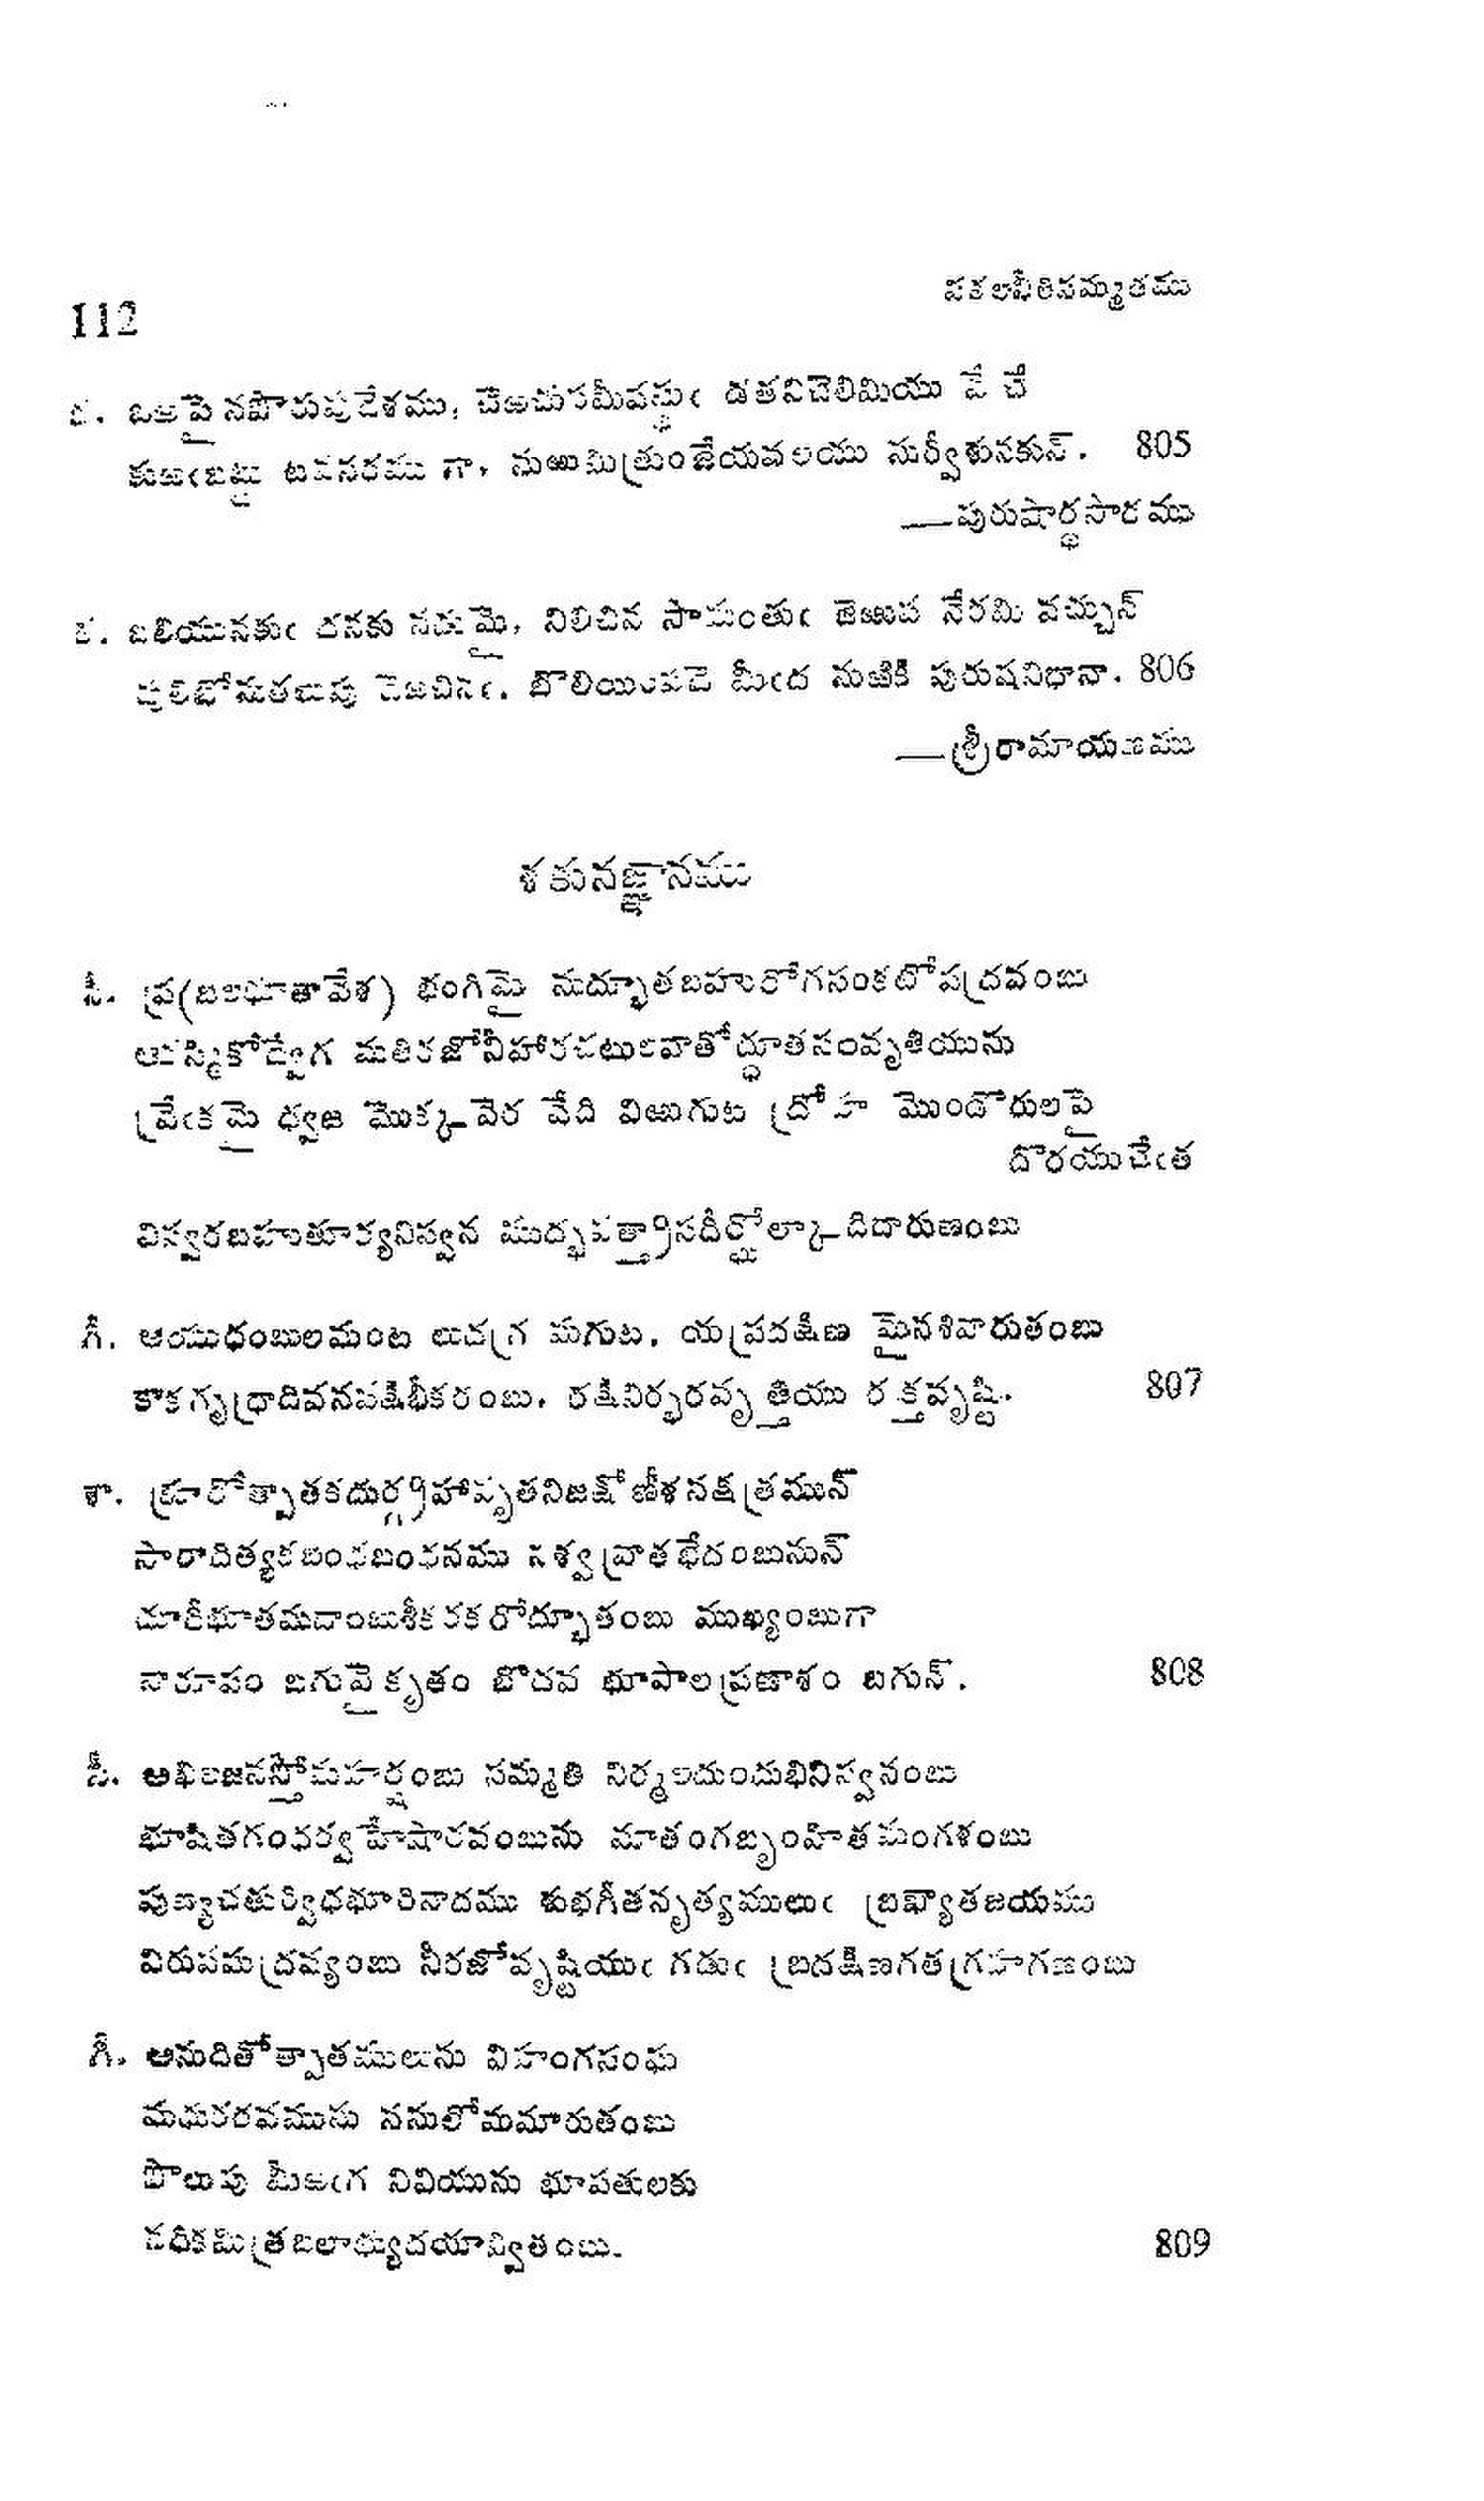క. ఒఱపైన పొరుపుదేశము
చెఱచు సమీపస్థుఁ డతని చెలిమియు వే చే
కుఱఁబట్టు టవసరము గా
నుఱుమిత్రుం జేయవలయు నుర్వీశునకున్. 805

క. బలియునకుఁ దనకు నడుమై
నిలిచిన సామంతుఁ జెఱుప నేరమి వచ్చున్
పులిబోను తలుపు దెఱచినఁ
బొలియింపదె మీఁద నుఱికి పురుషనిధానా. 806

సీ. ప్ర(బలభూతావేశ) భంగిమై నుద్భూత
బహురోగసంకటోపద్రవంబు
ఆకస్మికోద్వేగ మతిరజోనీహారచటుల
వాతోద్ధూతసంవృత్తియును
వ్రేఁకమై ధ్వజ మొక్కవెర వేది విఱుగుట
ద్రోహ మొండొరులపై దొరయుచేఁత
విస్వరబహుతూర్యనిస్వన ముద్భవ
త్త్రాసదీర్ఘోల్కాదిదారుణంబు
గీ. ఆయుధంబులమంట లుదగ్ర మగుట
యప్రదక్షిణ మైనశివారుతంబు
కాకగృధ్రాదివనపక్షిభీకరంబు
రక్షినిర్భరవృత్తియు రక్తవృష్టి. 807

శా. క్రూరోత్పాతదుర్గ్రహావృతనిజక్షోణీశనక్షత్రమున్
సారాదిత్యకబంధబంధనము నశ్వవ్రాతభేదంబునున్
దూరీభూతమదాంబుశీకరకరోద్భూతంబు ముఖ్యంబుగా
నారూపం బగు వైకృతం బొదవ భూపాలప్రణాశం బగున్. 808

సీ. అఖిలజనస్తోమహర్షంబు సమ్మతి
నిర్మలదుందుభినిస్వనంబు
భూషితగంధర్వహేషారవంబును
మాతంగబృంహితమంగళంబు
పుణ్యచతుర్విధభూరినాదము శుభ
గీతనృత్యములుఁ బ్రఖ్యాతజయము
నిరుపమద్రవ్యంబు నీరజోవృష్టియుఁ
గడుఁ బ్రదక్షిణగతగ్రహగణంబు
గీ. అనుదితోత్పాతములును విహంగసంఘ
మధురరవమును ననులోమమారుతంబు
పొలుపు మీఱఁగ నివియును భూపతులకు
నధికమిత్రబలాభ్యుదయాన్వితంబు. 809